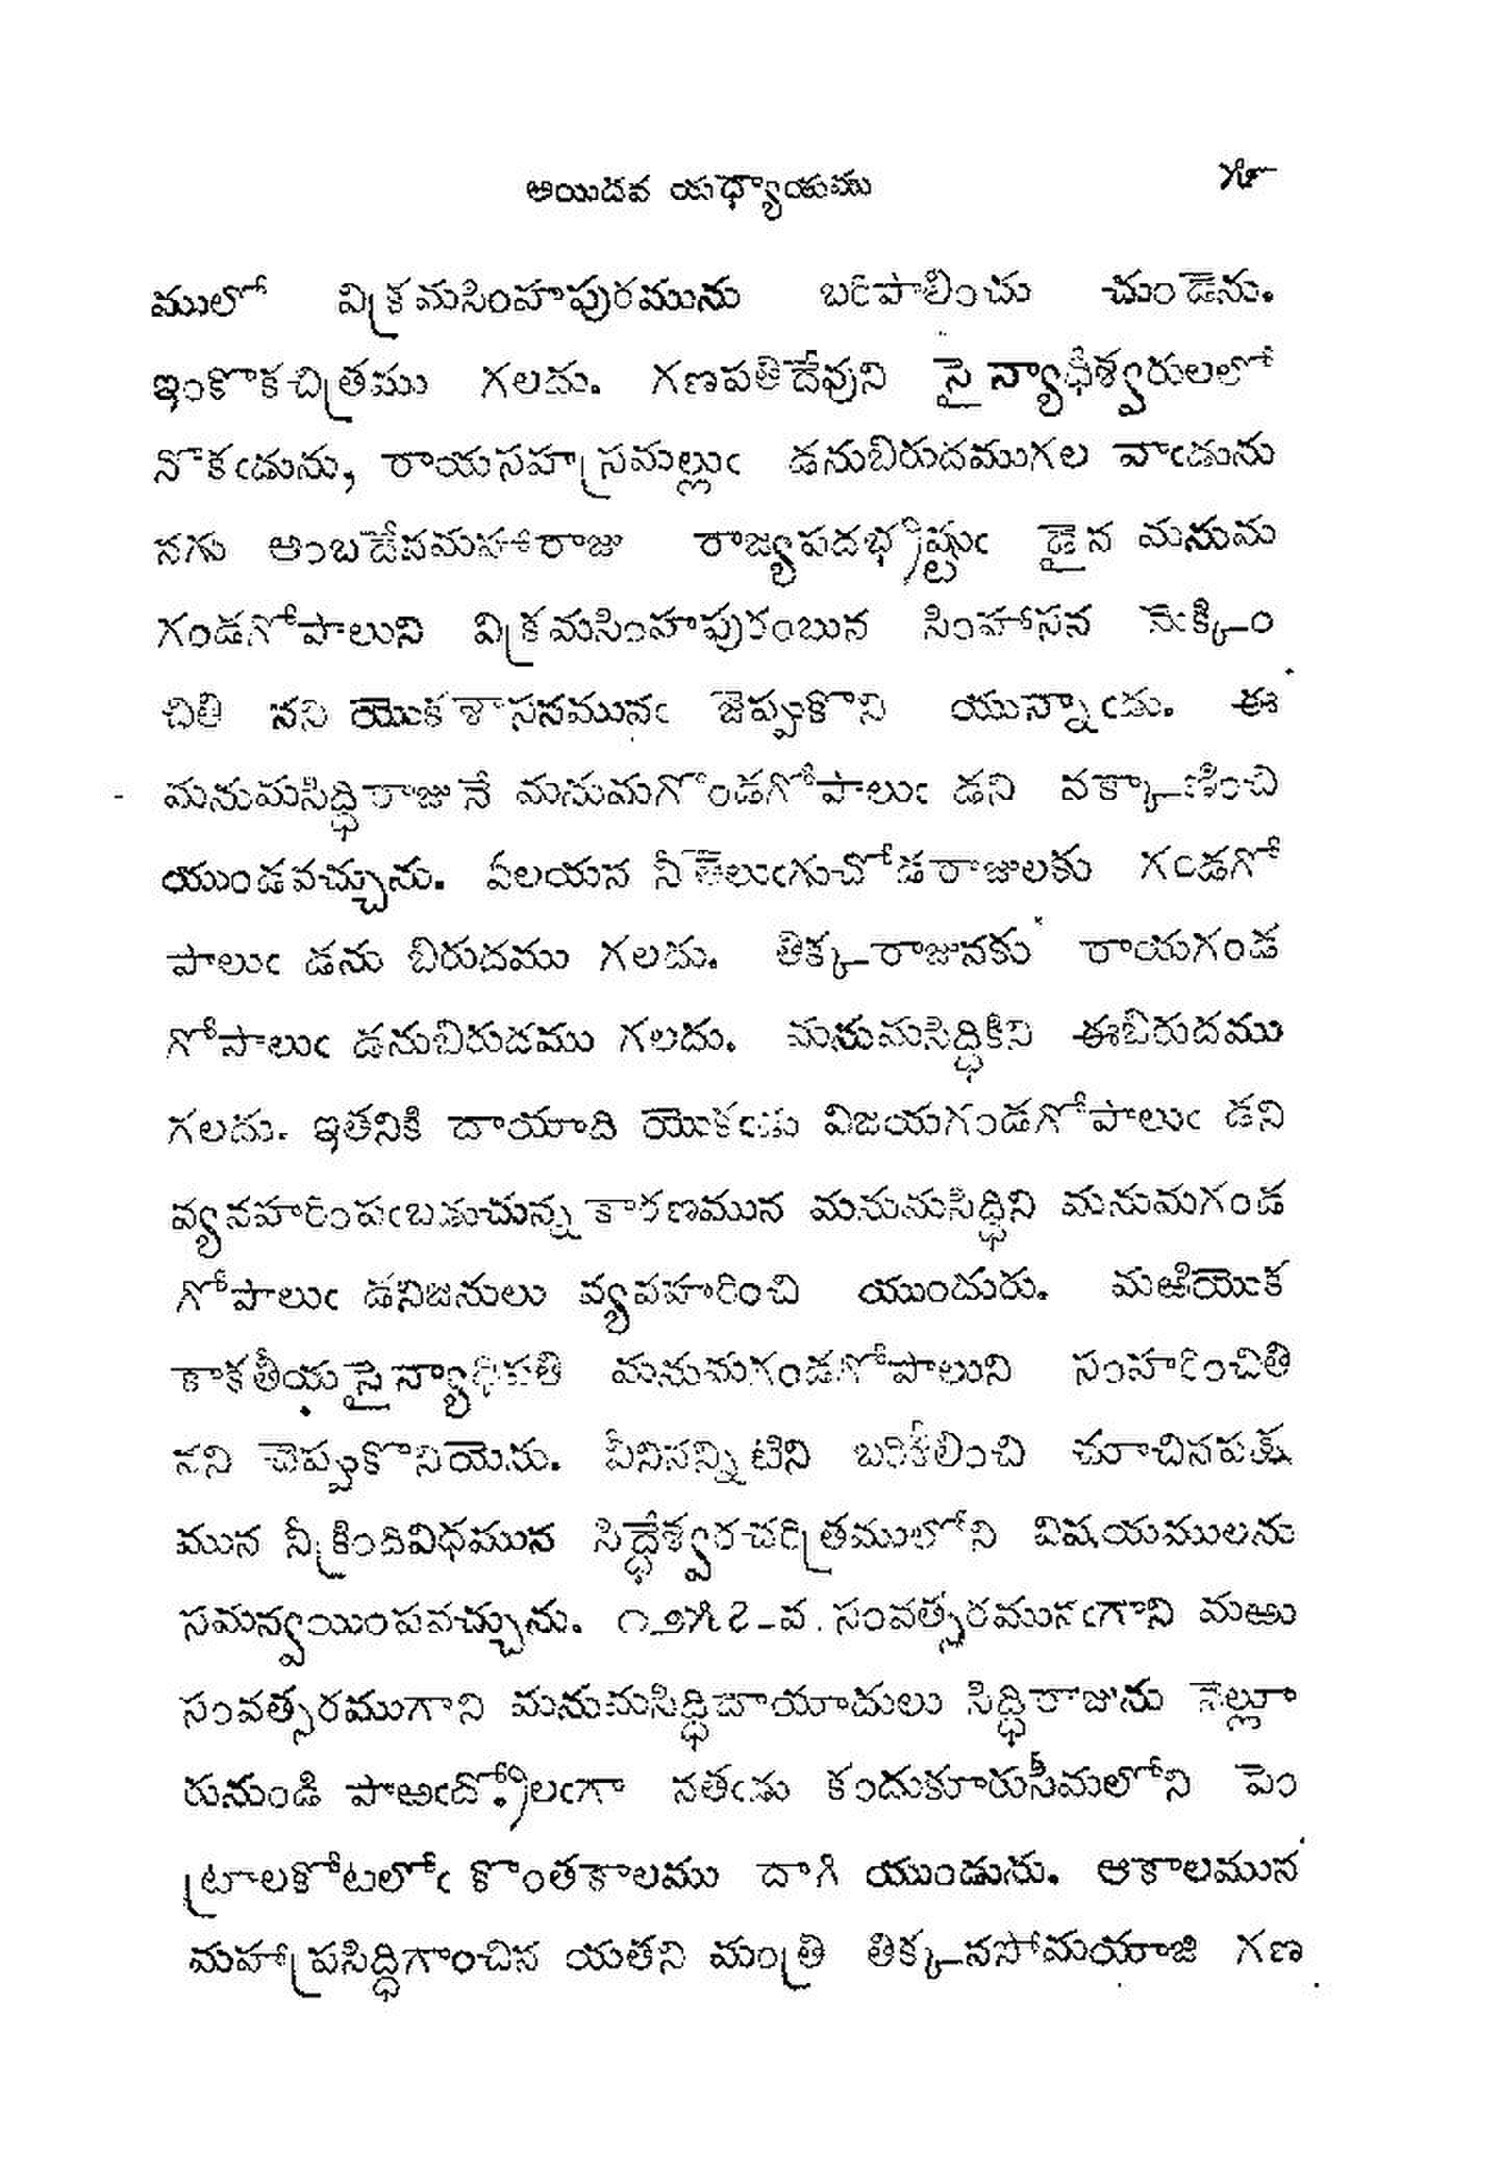ములో విక్రమసింహపురమును బలపాలించు చుండెను. ఇంకొకచిత్రము గలదు. గణపతిదేవుని సైన్యాధీశ్వరులలో నొకఁడును, రాయసహస్రమల్లుఁ డనుబిరుదముగల వాఁడును నగు ఆంబదేవమహారాజు రాజ్యపదభ్రష్టుఁ డైన మనుమగండగోపాలుని విక్రమసింహపురంబున సింహాసన మెక్కించితి నని యొకశాసనమునఁ జెప్పుకొని యున్నాఁడు. ఈ మనుమసిద్ధిరాజునే మనుమగొండగోపాలుఁడని వక్కాణించి యుండవచ్చును. ఏలయన నీతెలుఁగుచోడరాజులకు గండగోపాలుఁ డను బిరుదము గలదు. తిక్కరాజునకు రాయగండగోపాలుఁ డనుబిరుదము గలదు. మనుమసిద్దికిని ఈ బిరుదము గలదు. ఇతనికి దాయాది యొకఁడు విజయగండ గోపాలుఁ డని వ్యవహరింపబడుచున్న కారణమున మనుమసిద్ధిని మనుమగండ గోపాలుఁ డనిజనులు వ్యవహరించి యుందురు. మఱియొక కాకతీయసైన్యాధిపతి మనుమగండగోపాలుని సంహరించితి నని చెప్పుకొనియెను. వీనినన్నిటిని బరిశీలించి చూచినపక్షమున నీ క్రింది విధమున సిద్దేశ్వరచరిత్రములోని విషయములను సమన్వయింపవచ్చును. 1257-వ . సంవత్సరమునఁగాని మఱు సంవత్సరముగాని మనుమసిద్ధిదాయాదులు సిద్ధిరాజును నెల్లూరునుండి పాఱఁద్రోలఁగా నతఁడు కందుకూరుసీమలోని పెంట్రాలకోటలోఁ కొంతకాలము దాగి యుండును. ఆకాలమున మహాప్రసిద్ధిగాంచిన యతని మంత్రి తిక్కనసోమయాజి గణ